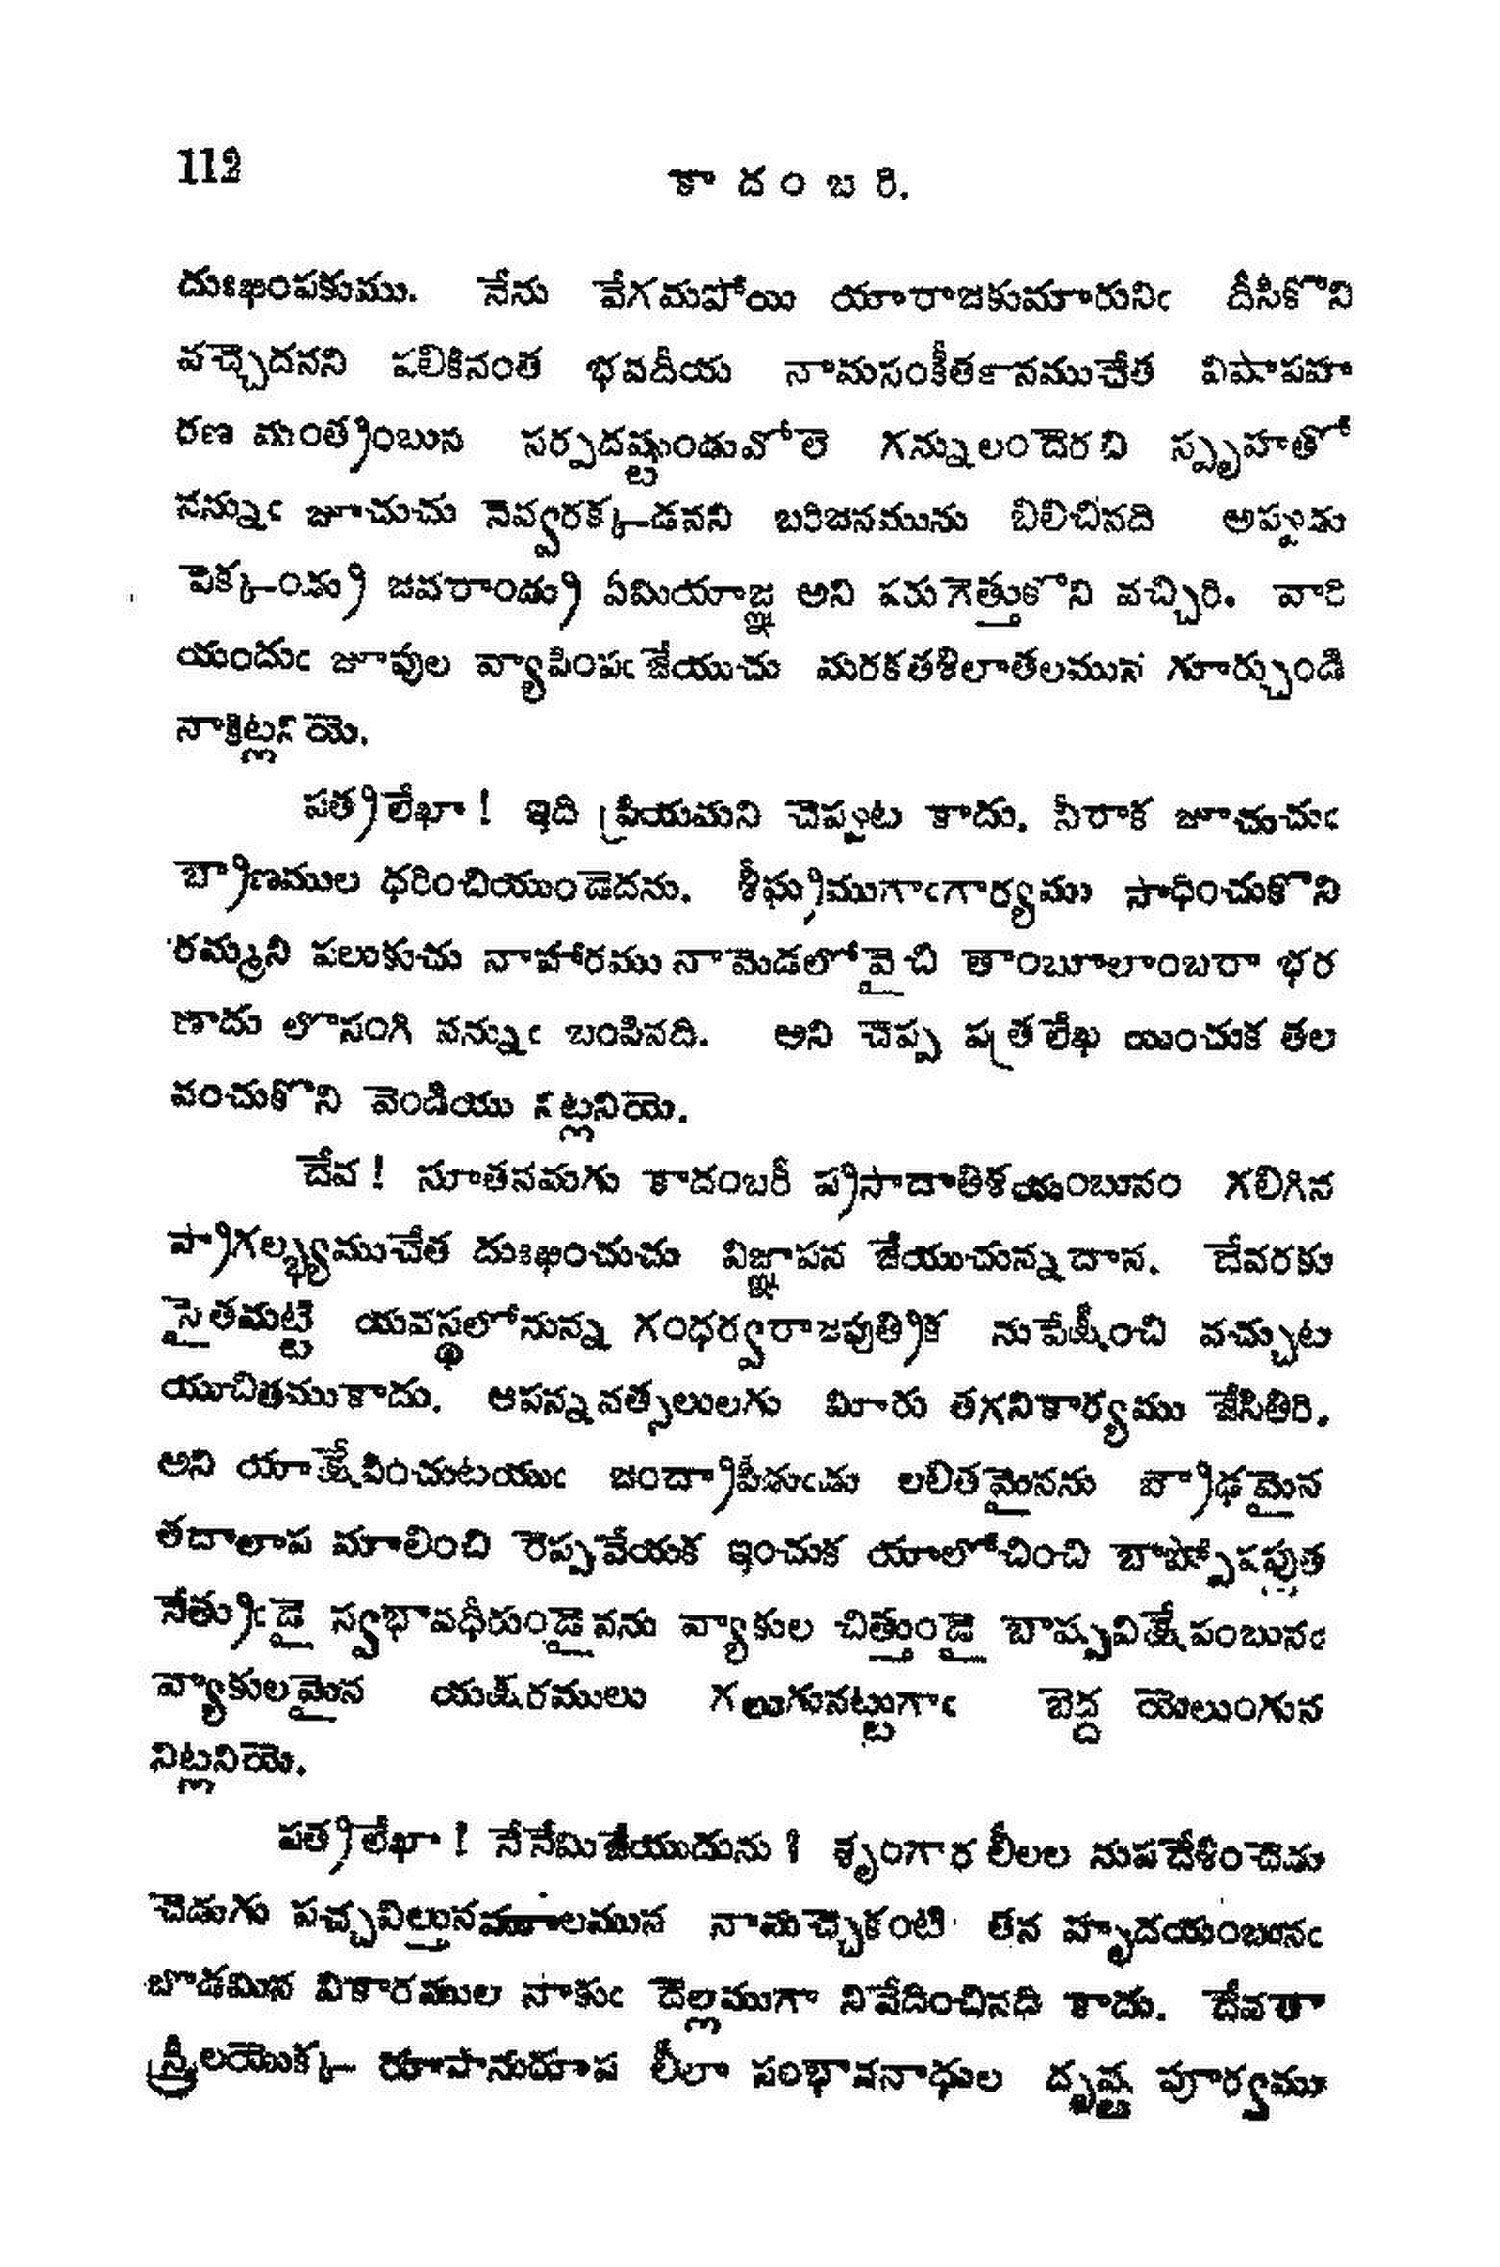దుఃఖింపకుము. నేను వేగమపోయి యారాజకుమారునిఁ దీసికొని వచ్చెదనని పలికినంత భవదీయ నామసంకీత౯నముచేత విషాపహరణ మంత్రంబున సర్పదష్టుండువోలె గన్నులందెరచి స్పృహతో నన్నుఁ జూచుచు నెవ్వరక్కడనని బరిజనమును బిలిచినది అప్పుడు పెక్కండ్రు జవరాండ్రు ఏమియాజ్ఞ అని పరిగెత్తుకొని వచ్చిరి. వారియందుఁ జూపుల వ్యాపింపఁజేయుచు మరకతశిలాతలమున గూర్చుండి నాకిట్లనియె.

పత్రలేఖా! ఇది ప్రియమని చెప్పుట కాదు. నీరాక జూచుచుఁ బ్రాణముల ధరించియుండెదను. శీఘ్రముగాఁగార్యము సాధించుకొని రమ్మని పలుకుచు నాహారము నామెడలోవైచి తాంబూలాంబరా భరణాదు లొసంగి నన్నుఁ బంపినది. అని చెప్ప పత్రలేఖ యించుక తల వంచుకొని వెండియు నిట్లనియె.

దేవ! సూతనమగు కాదంబరీ ప్రసాదాతిశయంబునం గలిగిన ప్రాగల్భ్యముచేత దుఃఖించుచు విజ్ఞాపన జేయుచున్నదాన. దేవరకు సైతమట్టి యవస్థలోనున్న గంధర్వరాజపుత్రిక నుపేక్షించి వచ్చుట యుచితముకాదు. ఆసన్నవత్సలులగు మీరు తగనికార్యము జేసితిరి. అని యాక్షేపించుటయుఁ జంద్రాపీడుఁడు లలితమైనను బ్రౌఢమైన తదాలాప మాలించి రెప్పవేయక ఇంచుక యాలోచించి బాష్పోపప్రుత నేత్రుఁడై స్వభావధీరుండైనను వ్యాకుల చిత్తుండై బాష్పవిక్షేపంబునం వ్యాకులమైన యక్షరములు గలుగునట్టుగాఁ బెద్ద యెలుంగున నిట్లనియె.

పత్రలేఖా! నేనేమిజేయుదును? శృంగారలీలల నుపదేశించెడు చెడుగు సచ్చవిల్తునమూలమున నామచ్చెకంటి తన హృదయంబునఁ బొడమిన వికారముల నాకుఁ దెల్లముగా నివేదించినది కాదు. దేవతా స్త్రీలయొక్క రూపానురూప లీలా సంభావనాధుల దృష్ట పూర్వము